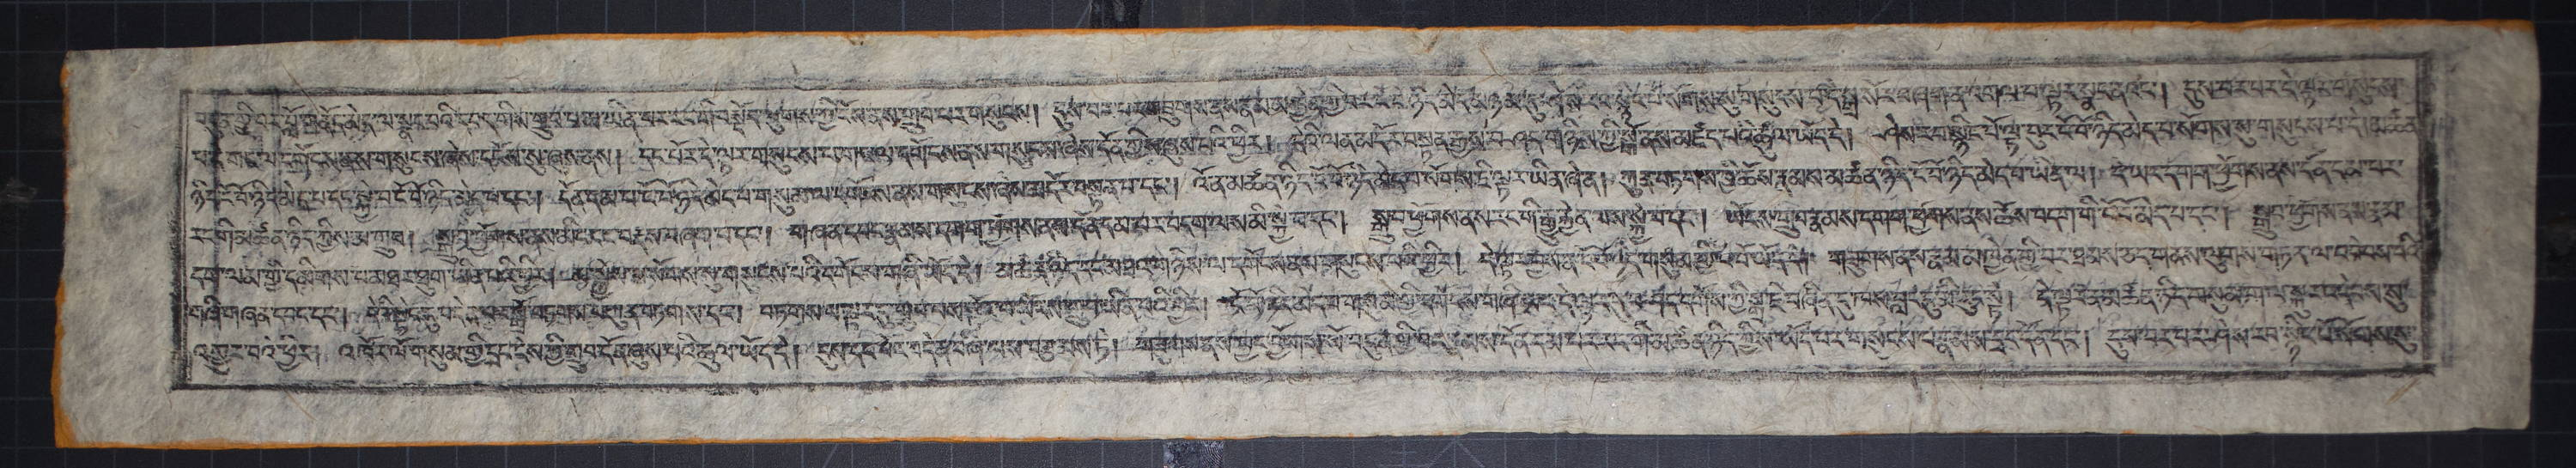བདུན་གྱི་བར་བློ་གནོད་མེད་ལ་སྣང་བའི་དབང་གིས་གྲུབ་པ་མ་ཡིན་པར་རང་གི་བསྡོད་ལུགས་ཀྱི་ངོས་ནས་གྲུབ་པར་གསུངས། དུས་བར་པར་གཟུགས་ནས་རྣམ་མཁྱེན་གྱི་བར་ངོ་བོ་ཉིད་མེད་མཉམ་དུ་ཤེས་རབ་སྙིང་པོ་སོགས་སུ་གསུངས་པ་དེ་སྒྲ་སོར་བཞག་ན་འགལ་བ་ལྟར་སྣང་ནའང་། དུས་བར་པར་དེ་ལྟར་གསུངས་
པ་དེ་གང་ལ་དགོངས་ནས་གསུངས་ཞེས་དངོས་སུ་ཞུས་ནས། དང་པོར་དེ་ལྟར་གསུངས་པ་གང་ལ་དགོངས་ནས་གསུངས་ཞེས་དོན་གྱིས་ཞུས་པའི་ཕྱིར། དེའི་ལན་མདོར་བསྟན་རྒྱས་བཤད་གཉིས་ཀྱི་སྒོ་ནས་མཛད་པའི་ཚུལ་ཡོད་དེ། ཤེས་རབ་སྙིང་པོ་ལྟ་བུར་ངོ་བོ་ཉིད་མེད་པ་སོགས་སུ་གསུངས་པ་དེ། མཚན་
ཉིད་ངོ་བོ་ཉིད་མེད་པ་དང་སྐྱེ་བ་ངོ་བོ་ཉིད་མེད་པ་དང་། དོན་དམ་པ་ངོ་བོ་ཉིད་མེད་པ་གསུམ་ལ་དགོངས་ནས་གསུངས་ཞེས་མདོར་བསྟན་པ་དང་། འོ་ན་མཚན་ཉིད་ངོ་བོ་ཉིད་མེད་པ་སོགས་ཇི་ལྟར་ཡིན་ཞེ་ན། ཀུན་བཏགས་ཀྱི་ཆོས་རྣམས་མཚན་ཉིད་ངོ་བོ་ཉིད་མེད་པ་ཡིན་ལ། དེ་ཡང་དགག་ཕྱོགས་ནས་དོན་དམ་པར་
རང་གི་མཚན་ཉིད་ཀྱིས་མ་གྲུབ། སྒྲུབ་ཕྱོགས་ནས་མིང་དང་བརྡས་བཞག་པ་དང་། གཞན་དབང་རྣམས་དགག་ཕྱོགས་ནས་དོན་དམ་པར་བདག་ལས་མི་སྐྱེ་བ་དང་། སྒྲུབ་ཕྱོགས་ནས་རང་གི་རྒྱུ་རྐྱེན་ལས་སྐྱེ་བ་དང་། ཡོངས་གྲུབ་རྣམས་དགག་ཕྱོགས་ནས་ཆོས་བདག་གི་ངོ་བོ་མེད་པ་དང་། སྒྲུབ་ཕྱོགས་ནས་རྣམ་
དག་ལམ་གྱི་དམིགས་པ་མཐར་ཐུག་ཡིན་པའི་ཕྱིར། མ་སྐྱེས་པ་སོགས་སུ་གསུངས་པའི་དགོངས་གཞི་ཡོད་དེ། མཚན་ཉིད་དང་མཐའ་གཉིས་ལ་དགོངས་ནས་གསུངས་པའི་ཕྱིར། དེ་ལྟར་བྱས་ན་ངོ་བོ་ཉིད་གསུམ་གྱི་ངོ་བོ་ཡོད་དེ། གཟུགས་ནས་རྣམ་མཁྱེན་གྱི་བར་ཐམས་ཅད་གནས་ལུགས་གཏན་ལ་འབེབས་པའི་
གཞི་གཞན་དབང་དང་། དེའི་སྟེང་དུ་བདེན་པར་སྒྲོ་བཏགས་པ་ཀུན་བཏགས་དང་། བཏགས་པ་ལྟར་དུ་གྲུབ་པས་སྟོང་པ་ཡོངས་གྲུབ་ཡིན་པའི་ཕྱིར། ངོ་བོ་ཉིད་མེད་པ་གསུམ་གྱི་དགོངས་གཞི་ཡང་དེ་ལྟར་དུ་བཤད་དགོས་ཀྱི་སྒྲ་ཇི་བཞིན་དུ་ཁས་བླང་དུ་མི་རུང་སྟེ། དེ་ལྟར་ན་མཚན་ཉིད་གསུམ་ག་ལ་སྐུར་འདེབས་སུ་
འགྱུར་བའི་ཕྱིར། འཁོར་ལོ་གསུམ་གྱི་དྲང་ངེས་ཀྱི་གྲུབ་དོན་ཞུས་པའི་ཚུལ་ཡོད་དེ། དུས་དང་པོར་བདེན་བཞི་ལས་བརྩམས་ཏེ། གཟུགས་ནས་བྱང་ཕྱོགས་སོ་བདུན་གྱི་བར་རྣམས་དོན་དམ་པར་རང་གི་མཚན་ཉིད་ཀྱིས་ཡོད་པར་གསུངས་པ་རྣམས་དྲང་དོན་དང་། དུས་བར་པར་ཤེས་རབ་སྙིང་པོ་སོགས་སུ་